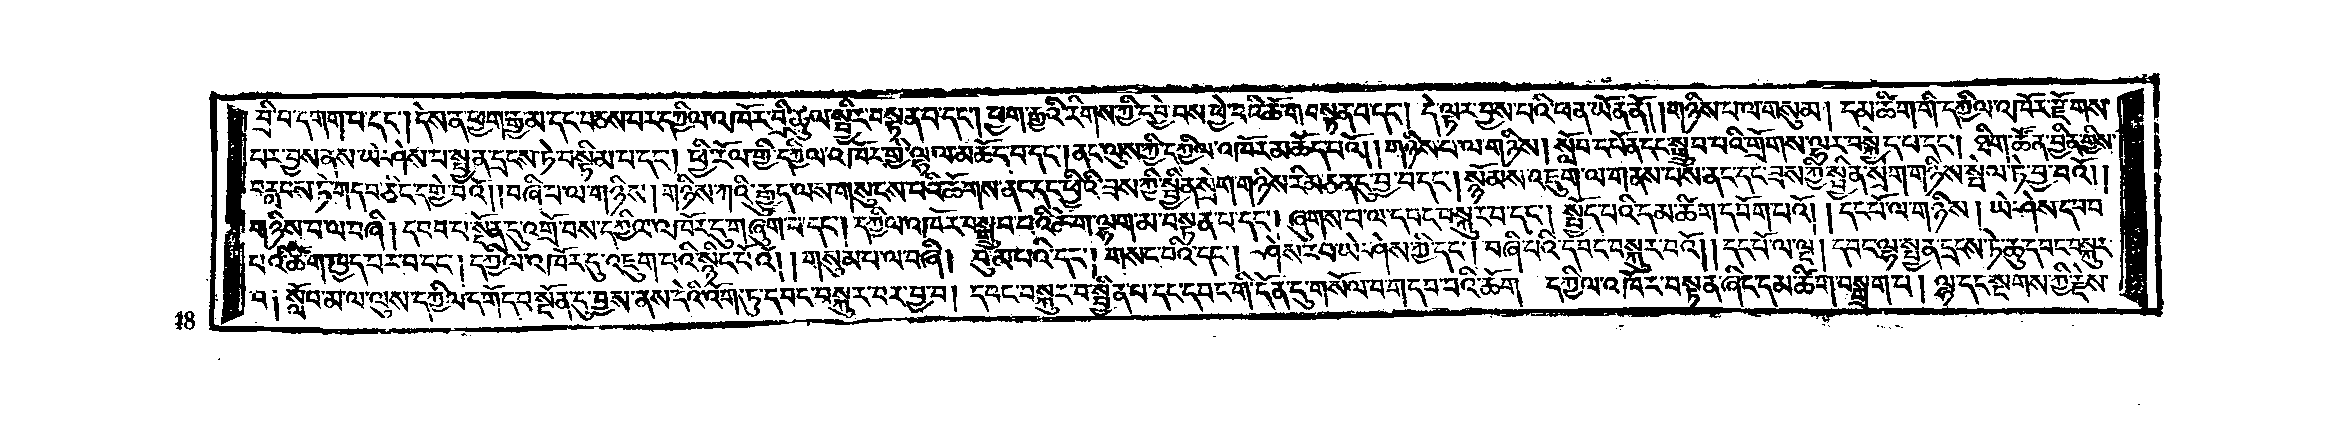བྲི་བ་དགག་པ་དང་། དེས་ན་ཕྱག་རྒྱ་མ་དང་བཅས་པར་དཀྱིལ་འཁོར་བྲི་ཚུལ་སྤྱིར་བསྟན་པ་དང་། ཕྱག་རྒྱའི་རིགས་ཀྱི་དབྱེ་བས་ཕྱེ་བའི་ཆོ་ག་བསྟན་པ་དང་། དེ་ལྟར་བྱས་པའི་ཕན་ཡོན་ནོ། །གཉིས་པ་ལ་གསུམ། དམ་ཚིག་གི་དཀྱིལ་འཁོར་རྫོགས་
པར་བྱས་ནས་ཡེ་ཤེས་པ་སྤྱན་དྲངས་ཏེ་བསྟིམ་པ་དང་། ཕྱི་རོལ་གྱི་དཀྱིལ་འཁོར་གྱི་ལྷ་ལ་མཆོད་པ་དང་། ནད་ལུས་ཀྱི་དཀྱིལ་འཁོར་མཆོད་པའོ། །གཉིས་པ་ལ་གཉིས། སློབ་དཔོན་དང་སྒྲུབ་པའི་གྲོགས་ལྷར་བསྐྱེད་པ་དང་། ཐིག་ཚོན་བྱིན་གྱིས་
བརླབས་ཏེ་གདབ་ཅིང་དགྱེ་བའོ། །བཞི་པ་ལ་གཉིས། གཉིས་ཀའི་རྒྱུད་ལས་གསུངས་པའི་ཆོ་གས་ནང་དང་ཕྱིའི་ཟས་ཀྱི་སྦྱིན་སྲེག་གཉིས་རིམ་ཅན་དུ་བྱ་བ་དང་། སྙོམས་འཇུག་ལ་གནས་པས་ནང་དང་ཟས་ཀྱི་སྦྱིན་སྲེག་གཉིས་སྤེལ་ཏེ་བྱ་བའོ།།
གཉིས་པ་ལ་བཞི། དབབ་པ་སྔོན་དུ་འགྲོ་བས་དཀྱིལ་འཁོར་དུ་གཞུག་པ་དང་། དཀྱིལ་འཁོར་བསྒྲུབ་པའི་ཆོ་ག་ལྷག་མ་བསྟན་པ་དང་། ཞུགས་པ་ལ་དབང་བསྐུར་བ་དང་། སྤྱོད་པའི་དམ་ཚིག་དབོག་པའོ། །དང་པོ་ལ་གཉིས། ཡེ་ཤེས་དབབ་
པའི་ཆོ་ག་ཁྱད་པར་བ་དང་། དཀྱིལ་འཁོར་དུ་འཇུག་པའི་སྙིང་པོའོ། །གསུམ་པ་ལ་བཞི། བུམ་པའི་དང་། གསང་བའི་དང་། ཤེས་རབ་ཡེ་ཤེས་ཀྱི་དང་། བཞི་པའི་དབང་བསྐུར་བའོ། །དང་པོ་ལ་ལྔ། དབང་ལྷ་སྤྱན་དྲངས་ཏེ་ཆུ་དབང་བསྐུར་
བ༑ སློབ་མ་ལ་ལུས་དཀྱིལ་དགོད་པ་སྔོན་དུ་བྱས་ནས་དེའི་འོག་ཏུ་དབང་བསྐུར་བར་བྱ་བ། དབང་བསྐུར་བ་སྦྱིན་པ་དང་དབང་གི་དོན་དུ་གསོལ་བ་གདབ་པའི་ཆོ་ག །དཀྱིལ་འཁོར་བསྟན་ཞིང་དམ་ཚིག་བསྒྲག་པ། ལྷ་དང་སྔགས་ཀྱི་རྗེས་